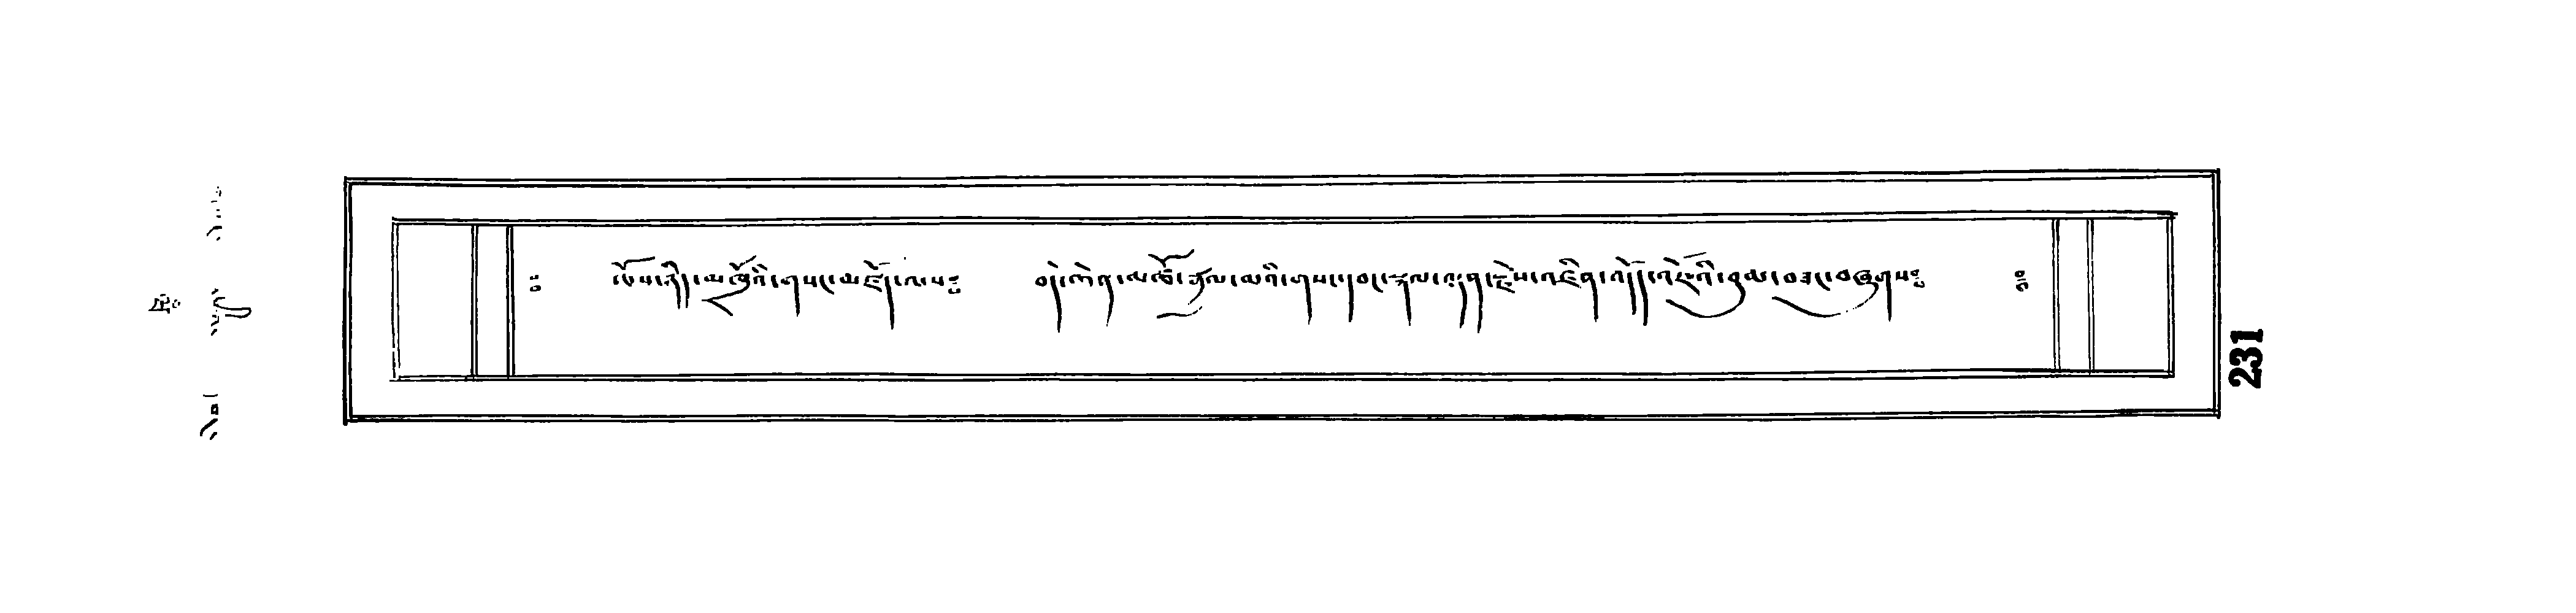ཆོས་ཉིད་མཁའ་འགྲོའི་གསང་མཛོད་ལས༔ བདེ་ཆེན་མཚོ་རྒྱལ་མའི་གསང་དབང་སྐལ་ལྡན་རྗེས་འཛིན་འདོད་འཇོའི་བུམ་བཟང་བཞུགས༔